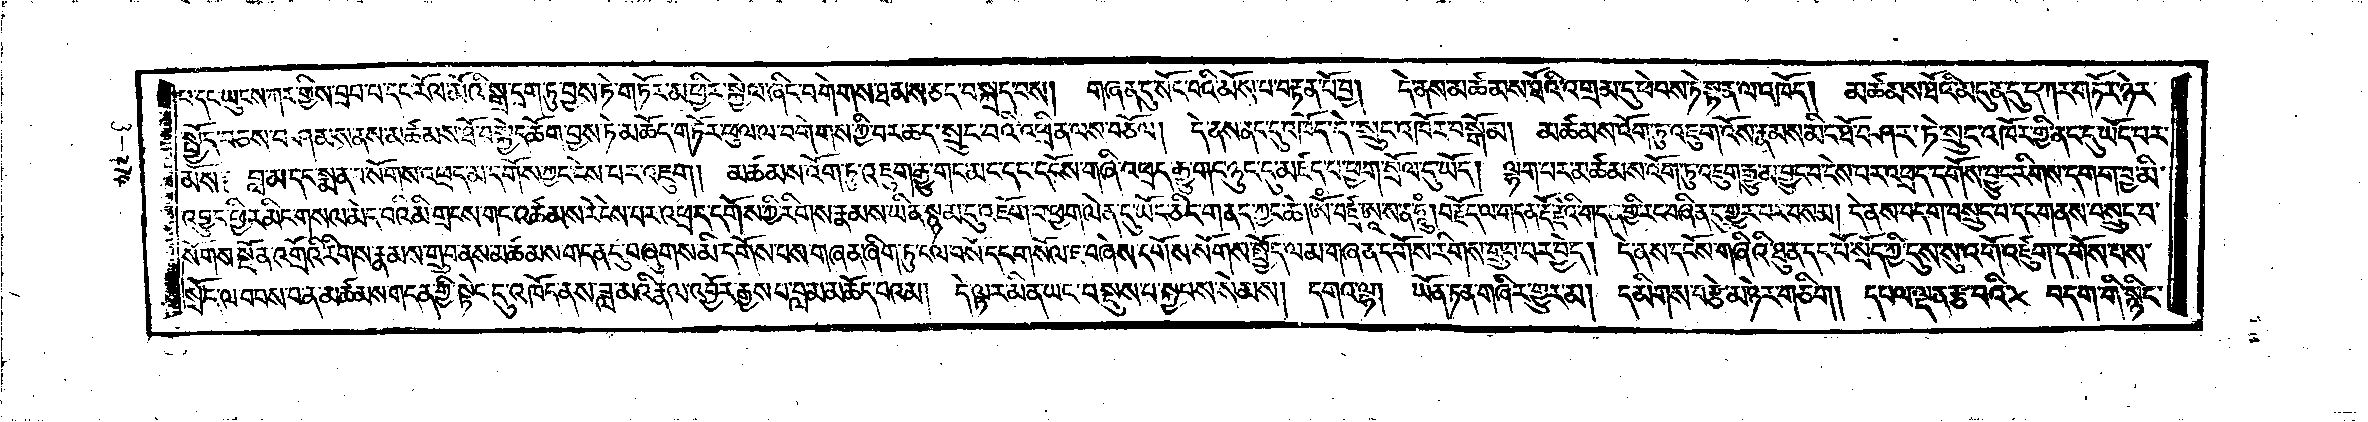པ་དང་ཡུངས་ཀར་གྱིས་བྲབ་པ་དང་རོལ་མོའི་སྒྲ་དྲག་ཏུ་བྱས་ཏེ་གཏོར་མ་ཕྱིར་སྐྱེལ་ཞིང་བགེགས་ཐམས་ཅད་བསྐྲད་བས། གཞན་དུ་སོང་བའི་མོས་པ་བརྟན་པོ་བྱ། དེ་ནས་མཚམས་ཐོའི་འགྲམ་དུ་ཕེབས་ཏེ་སྟན་ལ་འཁོད། མཚམས་ཐོའི་མདུན་དུ་དཀར་གཏོར་ཉེར་
སྤྱོད་བཅས་བཤམས་ནས་མཚམས་ཐོ་བསྐྱེད་ཆོག་བྱས་ཏེ་མཆོད་གཏོར་ཕུལ་ལ་བགེགས་ཀྱི་བར་ཆད་སྲུང་བའི་འཕྲིན་ལས་བཅོལ། དེ་ནས་ནང་དུ་འཁོད་དེ་སྲུང་འཁོར་བསྒོམ། མཚམས་འོག་ཏུ་འཇུག་འོས་རྣམས་མིང་ཐོབ་ཤར་ཏེ་སྲུང་འཁོར་གྱི་ནང་དུ་ཡོད་པར་
མོས༑ བླ་མ་དང་སྨན་པ་སོགས་འཕྲད་མ་དགོས་ཀྱང་ངེས་པར་འཇུག། མཚམས་འོག་ཏུ་འཇུག་རྒྱུ་གང་མང་དང་དངོས་གཞི་འཕྲད་རྒྱུ་གང་ཉུང་དུ་མཛད་པ་ཕྱག་སྲོལ་དུ་ཡོད། ལྷག་པར་མཚམས་འོག་ཏུ་འཇུག་རྒྱུ་མ་བྱུང་བ་ངེས་པར་འཕྲད་དགོས་བྱུང་རིགས་དགག་བྱ་མི་
འབྱུང་ཕྱིར་མིང་གསལ་མེད་པའི་མི་གྲངས་གང་འཚམས་རེ་ངེས་པར་འཕྲད་དགོས་ཀྱི་རིགས་རྣམས་ཡིན་སྙམ་དུ་འཇོག་བ་ཕྱག་ལེན་དུ་ཡོད་ཅིང་གནད་ཀྱང་ཆེ། ཨོཾ་བཛྲ་ཨཱ་ས་ན་ཧཱུཾ། བརྗོད་ལ་གདན་རྡོ་རྗེའི་གདན་གྱི་རང་བཞིན་དུ་གྱུར་པས་བསམ། དེ་ནས་བདག་བསྲུང་བ་དང་གནས་བསྲུང་པ་
སོགས་སྔོན་འགྲོའི་རིགས་རྣམས་གྲུབ་ནས་མཚམས་གདན་དུ་བཞུགས་མི་དགོས་པས་གཞན་ཞིག་ཏུ་ངལ་བསོ་དང་གསོལ་ཇོ་བཞེས་དགོས་སོགས་སྤྱོད་ལམ་གཞན་དགོས་རིགས་གྲུབ་པར་བྱེད། དེ་ནས་དངོས་གཞིའི་ཐུན་དང་པོ་སྲོད་ཀྱི་དུས་སུ་འགོ་འཛུག་དགོས་པས་
སྲོད་ལ་བབས་པ་ན་མཚམས་གདན་གྱི་སྟེང་དུ་འཁོད་ནས་ཟླ་མའི་རྣལ་འབྱོར་རྒྱས་པ་བླ་མ་མཆོད་བའམ། དེ་ལྟར་མིན་ཡང་བསྡུས་པ་སྐྱབས་སེམས། དགའ་ལྷ། ཡོན་ཏན་གཞིར་གྱུར་མ། དམིགས་བརྩེ་མ་ཉེར་གཅིག ། དཔལ་ལྡན་རྩ་བའི་྾་བདག་གི་སྙིང་